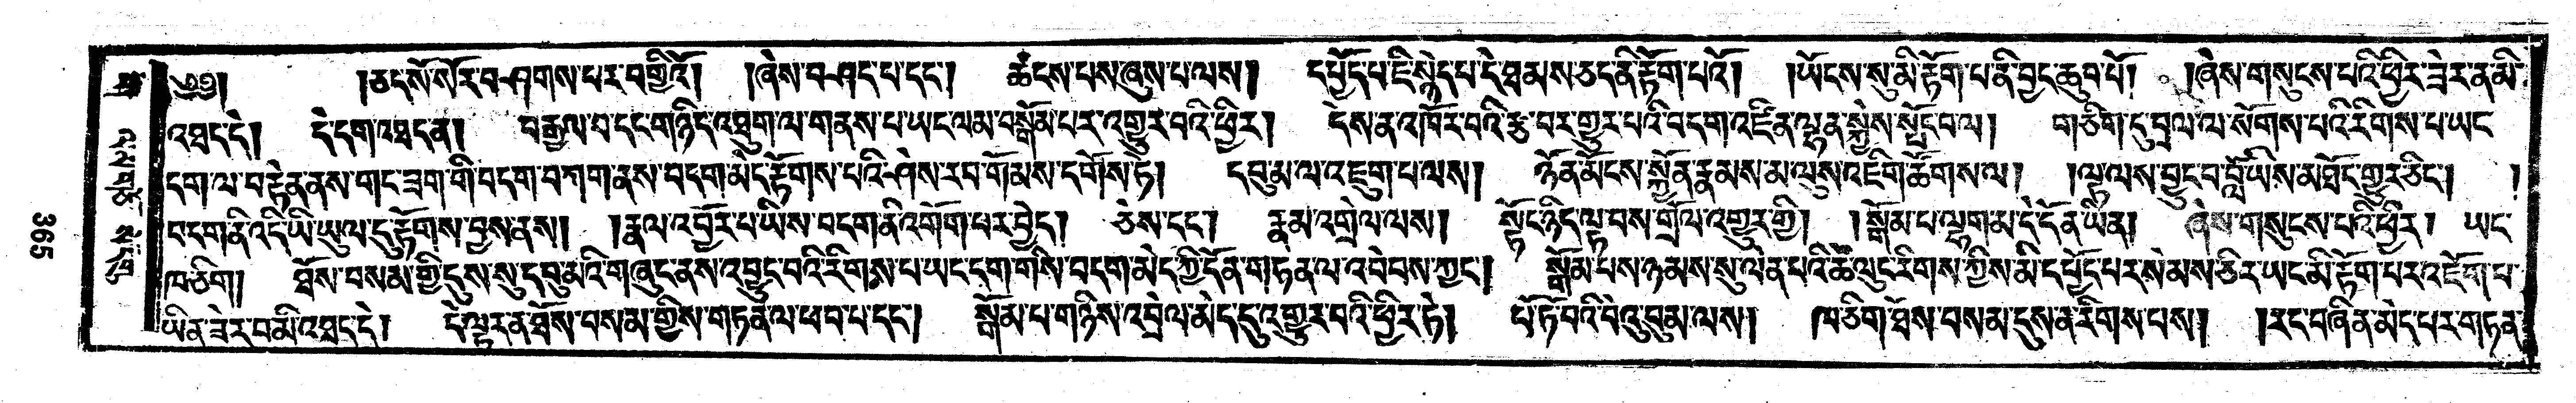༄༅། །ཅད་སོ་སོར་བཤགས་པར་བགྱིའོ། །ཞེས་བཤད་པ་དང་། ཚངས་པས་ཞུས་པ་ལས། དཔྱོད་པ་ཇི་སྙེད་པ་དེ་ཐམས་ཅད་ནི་རྟོག་པའོ། །ཡོངས་སུ་མི་རྟོག་པ་ནི་བྱང་ཆུབ་པོ། །ཞེས་གསུངས་པའི་ཕྱིར་ཟེར་ན་མི་
འཐད་དེ། དེ་དག་འཐད་ན། བརྒྱལ་བ་དང་གཉིད་འཐུག་ལ་གནས་པ་ཡང་ལམ་བསྒོམ་པར་འགྱུར་བའི་ཕྱིར། དེས་ན་འཁོར་བའི་རྩ་བར་གྱུར་པའི་བདག་འཛིན་ལྷན་སྐྱེས་སྤོང་བ་ལ། གཅིག་དུ་བྲལ་ལ་སོགས་པའི་རིགས་པ་ཡང་
དག་ལ་བརྟེན་ནས་གང་ཟག་གི་བདག་བཀག་ནས་བདག་མེད་རྟོགས་པའི་ཤེས་རབ་གོམས་དགོས་ཏེ། དབུ་མ་ལ་འཇུག་པ་ལས། ཉོན་མོངས་སྐྱོན་རྣམས་མ་ལུས་འཇིག་ཚོགས་ལ། །ལྟ་ལས་བྱུང་བ་བློ་ཡིས་མཐོང་གྱུར་ཅིང་། །
བདག་ནི་འདི་ཡི་ཡུལ་དུ་རྟོགས་བྱས་ནས། །རྣལ་འབྱོར་པ་ཡིས་བདག་ནི་འགོག་པར་བྱེད། ཅེས་དང་། རྣམ་འགྲེལ་ལས། སྟོང་ཉིད་ལྟ་བས་གྲོལ་འགྱུར་གྱི། །སྒོམ་པ་ལྷག་མ་དེ་དོན་ཡིན། ཞེས་གསུངས་པའི་ཕྱིར། ཡང་
ཁ་ཅིག། ཐོས་བསམ་གྱི་དུས་སུ་དབུ་མའི་གཞུང་ནས་འབྱུང་བའི་རིགས་པ་ཡང་དག་གིས་བདག་མེད་ཀྱི་དོན་གཏན་ལ་འབེབས་ཀྱང་། སྒོམ་པས་ཉམས་སུ་ལེན་པའི་ཚེ་ལུང་རིགས་ཀྱིས་མི་དཔྱོད་པར་སེམས་ཅིར་ཡང་མི་རྟོག་པར་འཇོག་པ་
ཡིན་ཟེར་བ་མི་འཐད་དེ། དེ་ལྟར་ན་ཐོས་བསམ་གྱིས་གཏན་ལ་ཕབ་པ་དང་། སྒོམ་པ་གཉིས་འབྲེལ་མེད་དུ་འགྱུར་བའི་ཕྱིར་ཏེ། པོ་ཏོ་བའི་བེའུ་བུམ་ལས། ཁ་ཅིག་ཐོས་བསམ་དུས་ན་རིགས་པས། །རང་བཞིན་མེད་པར་གཏན་